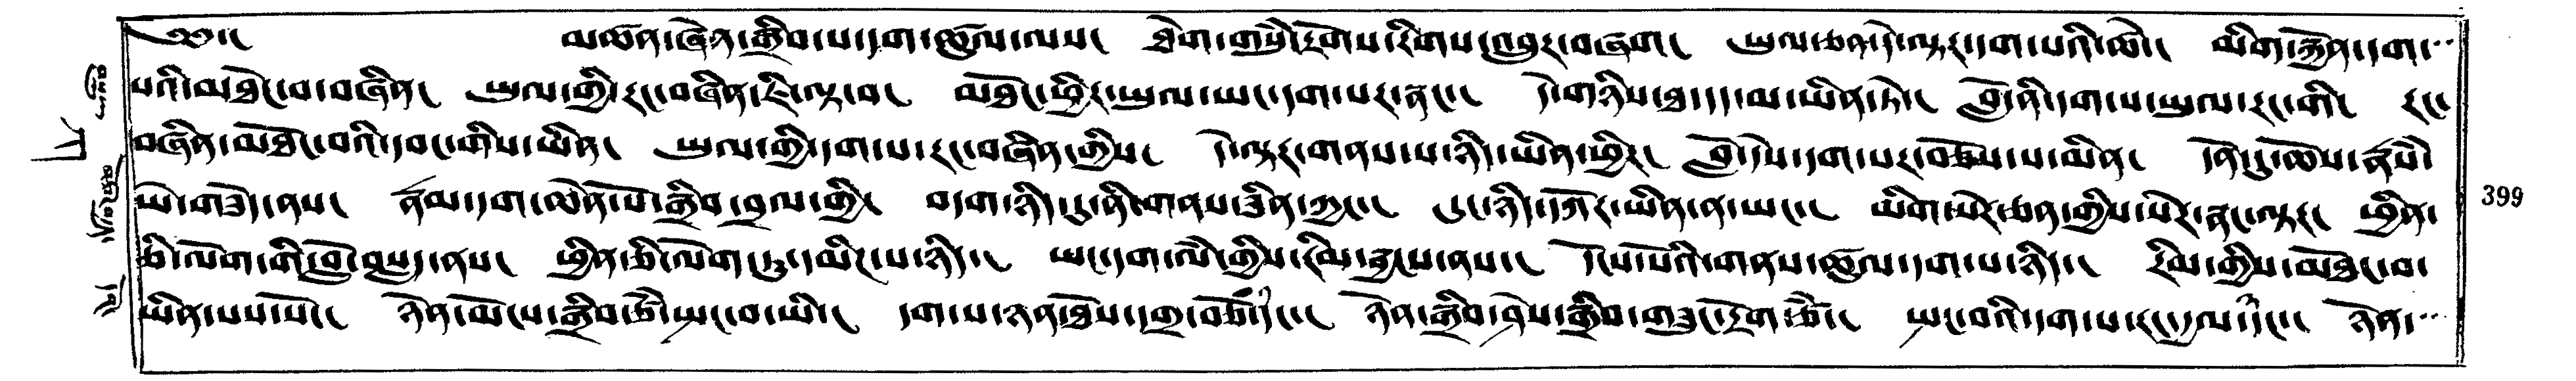མཚན་ཞེན་སྒྲིབ་པ་དག་ཚུལ་ལས། །ཐེག་གསུམ་རྟོགས་རིགས་འབྲས་བུར་བཞག །ཡུལ་ཅན་དེ་ལྟར་དག་པའི་ཚེ། །མིག་སྐྱོན་དག་
པའི་མཐོང་བ་བཞིན། །ཡུལ་གྱི་རང་བཞིན་ཇི་ལྟ་བ། །མཐོང་ཕྱིར་ཡུལ་ཡང་དག་པར་སྣང་། །དེ་གཉིས་ཐ་དད་མ་ཡིན་ཏེ། །བློ་ནི་དག་པ་ཡུལ་རང་གི །རང་
བཞིན་མཐོང་བའི་དབང་གིས་ཡིན། །ཡུལ་གྱི་དག་པ་རང་བཞིན་གྱིས། །དེ་ལྟར་གནས་པ་ཉིད་ཡིན་ཕྱིར། །བློ་དེས་དག་པར་བཅོས་པ་མིན། །དོན་དུ་ཆོས་རྣམས་
ཡེ་གཟོད་ནས། །རྣམ་དག་ཆེན་པོ་སྒྲིབ་བྲལ་གྱི། །བདག་ཉིད་དུ་ནི་གནས་ཟིན་ཡང་། །དུང་ཉིད་དཀར་པོ་ཡིན་ན་ཡང་། །མིག་སེར་ཅན་གྱིས་སེར་སྣང་ལྟར། །ཕྱིན་
ཅི་ལོག་གིས་བློ་བསླད་ནས། །ཕྱིན་ཅི་ལོག་ཏུ་དམིགས་པ་ཉིད། །ཡང་དག་ལམ་གྱིས་རིམ་སྦྱངས་ནས། །དངོས་པོའི་གནས་ཚུལ་དག་པ་ཉིད། །རིམ་གྱིས་མཐོང་བ་
ཡིན་པས་སོ། །ཉོན་མོངས་སྒྲིབ་ཙམ་སྤང་བ་ཡི། །དག་པ་ཉན་ཐོས་དགྲ་བཅོམ་དང་། །ཉོན་སྒྲིབ་ཤེས་སྒྲིབ་གཟུང་རྟོག་ཙམ། །སྤངས་བའི་དག་པ་རང་རྒྱལ་དང་། །ཉོན་